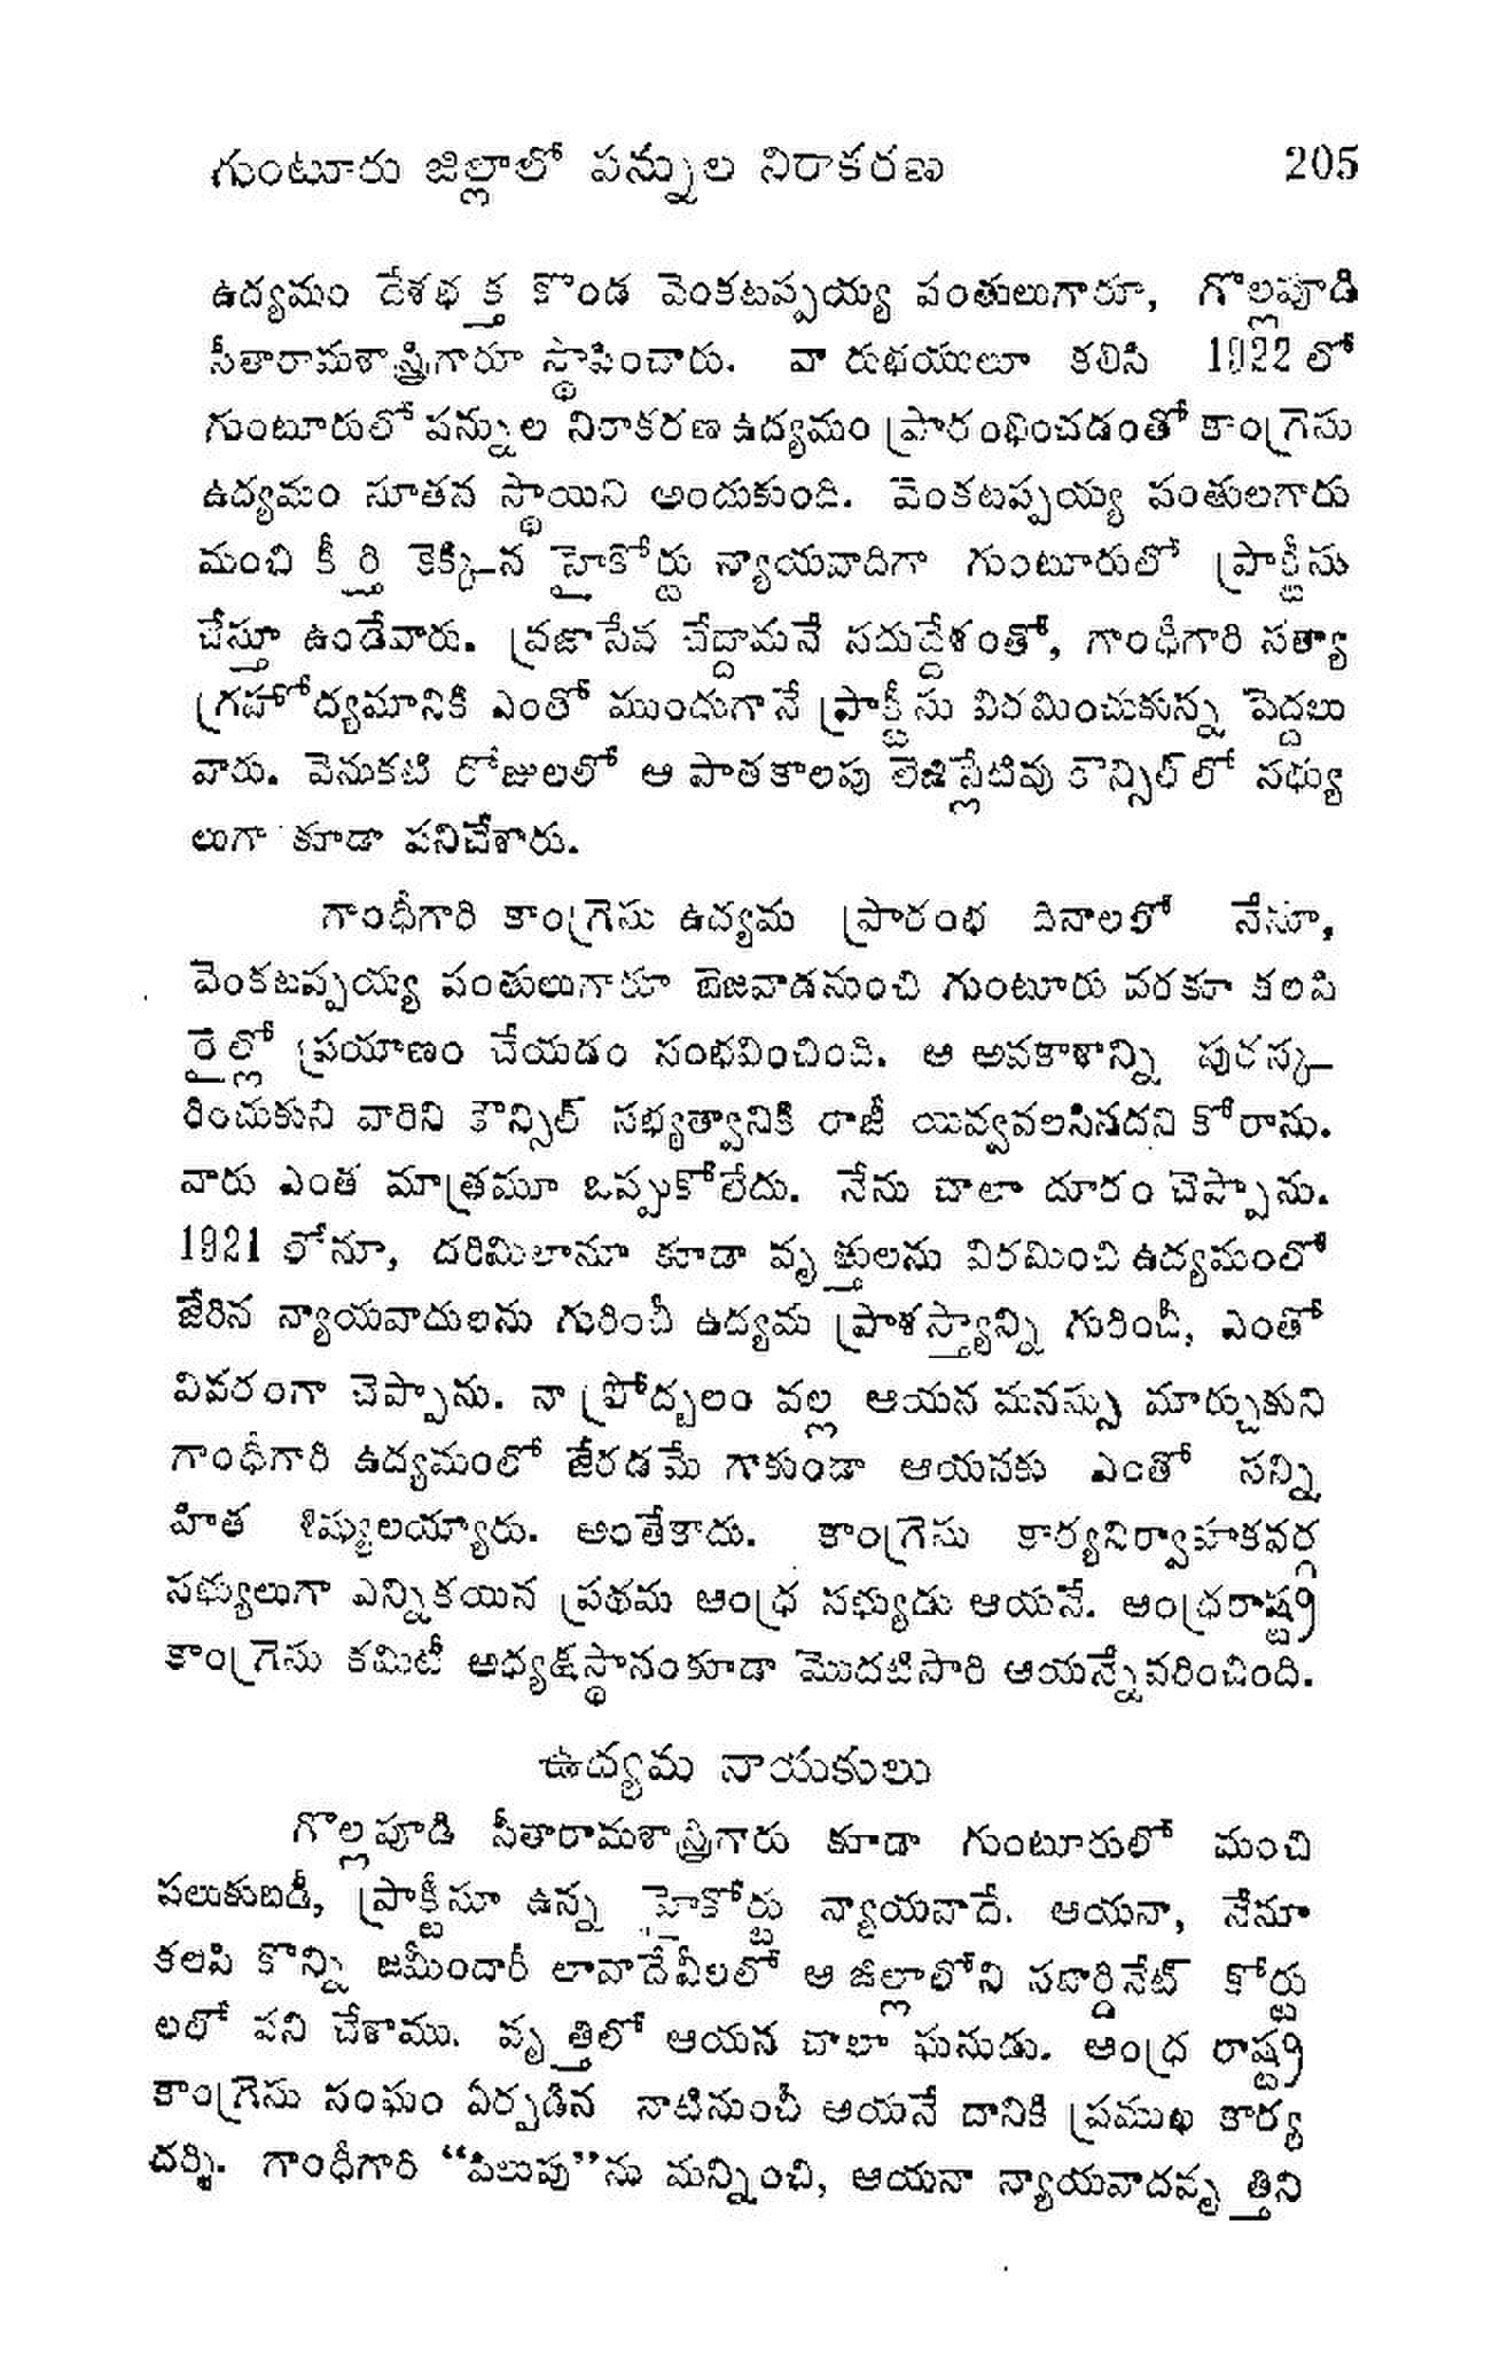ఉద్యమం దేశభక్త కొండ వెంకటప్పయ్య పంతులుగారూ, గొల్లపూడి సీతారామశాస్త్రిగారూ స్థాపించారు. వా రుభయులూ కలిసి 1922లో గుంటూరులో పన్నుల నిరాకరణ ఉద్యమం ప్రారంభించడంతో కాంగ్రెసు ఉద్యమం నూతన స్థాయిని అందుకుంది. వెంకటప్పయ్య పంతులగారు మంచి కీర్తి కెక్కిన హైకోర్టు న్యాయవాదిగా గుంటూరులో ప్రాక్టీసు చేస్తూ ఉండేవారు. ప్రజాసేవ చేద్దామనే సదుద్దేశంతో, గాంధీగారీ సత్యాగ్రహోద్యమానికి ఎంతో ముందుగానే ప్రాక్టీసు విరమించుకున్న పెద్దలువారు. వెనుకటి రోజులలో అ పాతకాలపు లెజిస్లేటివు కౌన్సిల్ లో సభ్యులుగా కూడా పనిచేశారు.

గాంధీగారి కాంగ్రెసు ఉధ్యమ ప్రారంభ దినాలలో నేనూ, వెంకటప్పయ్య పంతులుగారూ బెజవాడనుంచి గుంటూరు వరకూ కలసి రైల్లో ప్రయాణం చేయడం సంభవించింది, అ అవకాశాన్ని పురస్కరించుకొని వారిని కౌన్సిల్ సభ్యత్వానికి రాజీ యివ్వవలసినదని కోరాను. వారు ఎంత మాత్రమూ ఒప్పుకోలేదు. నేను చాలా దూరం చెప్పాను. 1921 లోనూ, దరిమిలానూ కూడా వృత్తులను విరమించి ఉద్యమంలో జేరిన న్యాయవాదులను గురించీ ఉద్యమ ప్రాశస్తాన్ని గురించీ, ఎంతో వివరంగా చెప్పాను. నాప్రోద్బలం వల్ల ఆయన మనస్సు మార్చుకుని గాంధీగారి ఉద్యమంలో జేరడమే గాకుండా ఆయనకు ఎంతో సన్నిహిత శిష్యులయ్యారు. అంతేకాదు. కాంగ్రెసు కార్యనిర్వాహకవర్గ సభ్యులుగా ఎన్నికయిన ప్రథమ ఆంధ్ర సభ్యుడు ఆయనే. ఆంధ్రరాష్ట్ర కాంగ్రెసు కమిటీ అధ్యక్షస్థానంకూడా మొదటిసారి ఆయన్నే వరించింది

గొల్లపూడి సీతారామశాస్త్రిగారు కూడా గుంటూరులో మంచి పలుకుబడీ, ప్రాక్టీసూ ఉన్న హైకోర్టు న్యాయవాదే. ఆయనా, నేనూ కలసి కొన్ని జమీందారీ లావాదేవీలలో ఆ జిల్లాలోని సబార్డినేట్ కోర్టులలో పని చేశాము. వృత్తిలో ఆయన చాలా ఘనుడు. ఆంధ్ర రాష్ట్ర కాంగ్రెసు సంఘం ఏర్పడిన నాటినుంచీ ఆయనే దానికి ప్రముఖ కార్యదర్శి. గాంధీగారి "పిలుపు" ను మన్నించి, ఆయన న్యాయవాదవృత్తిని